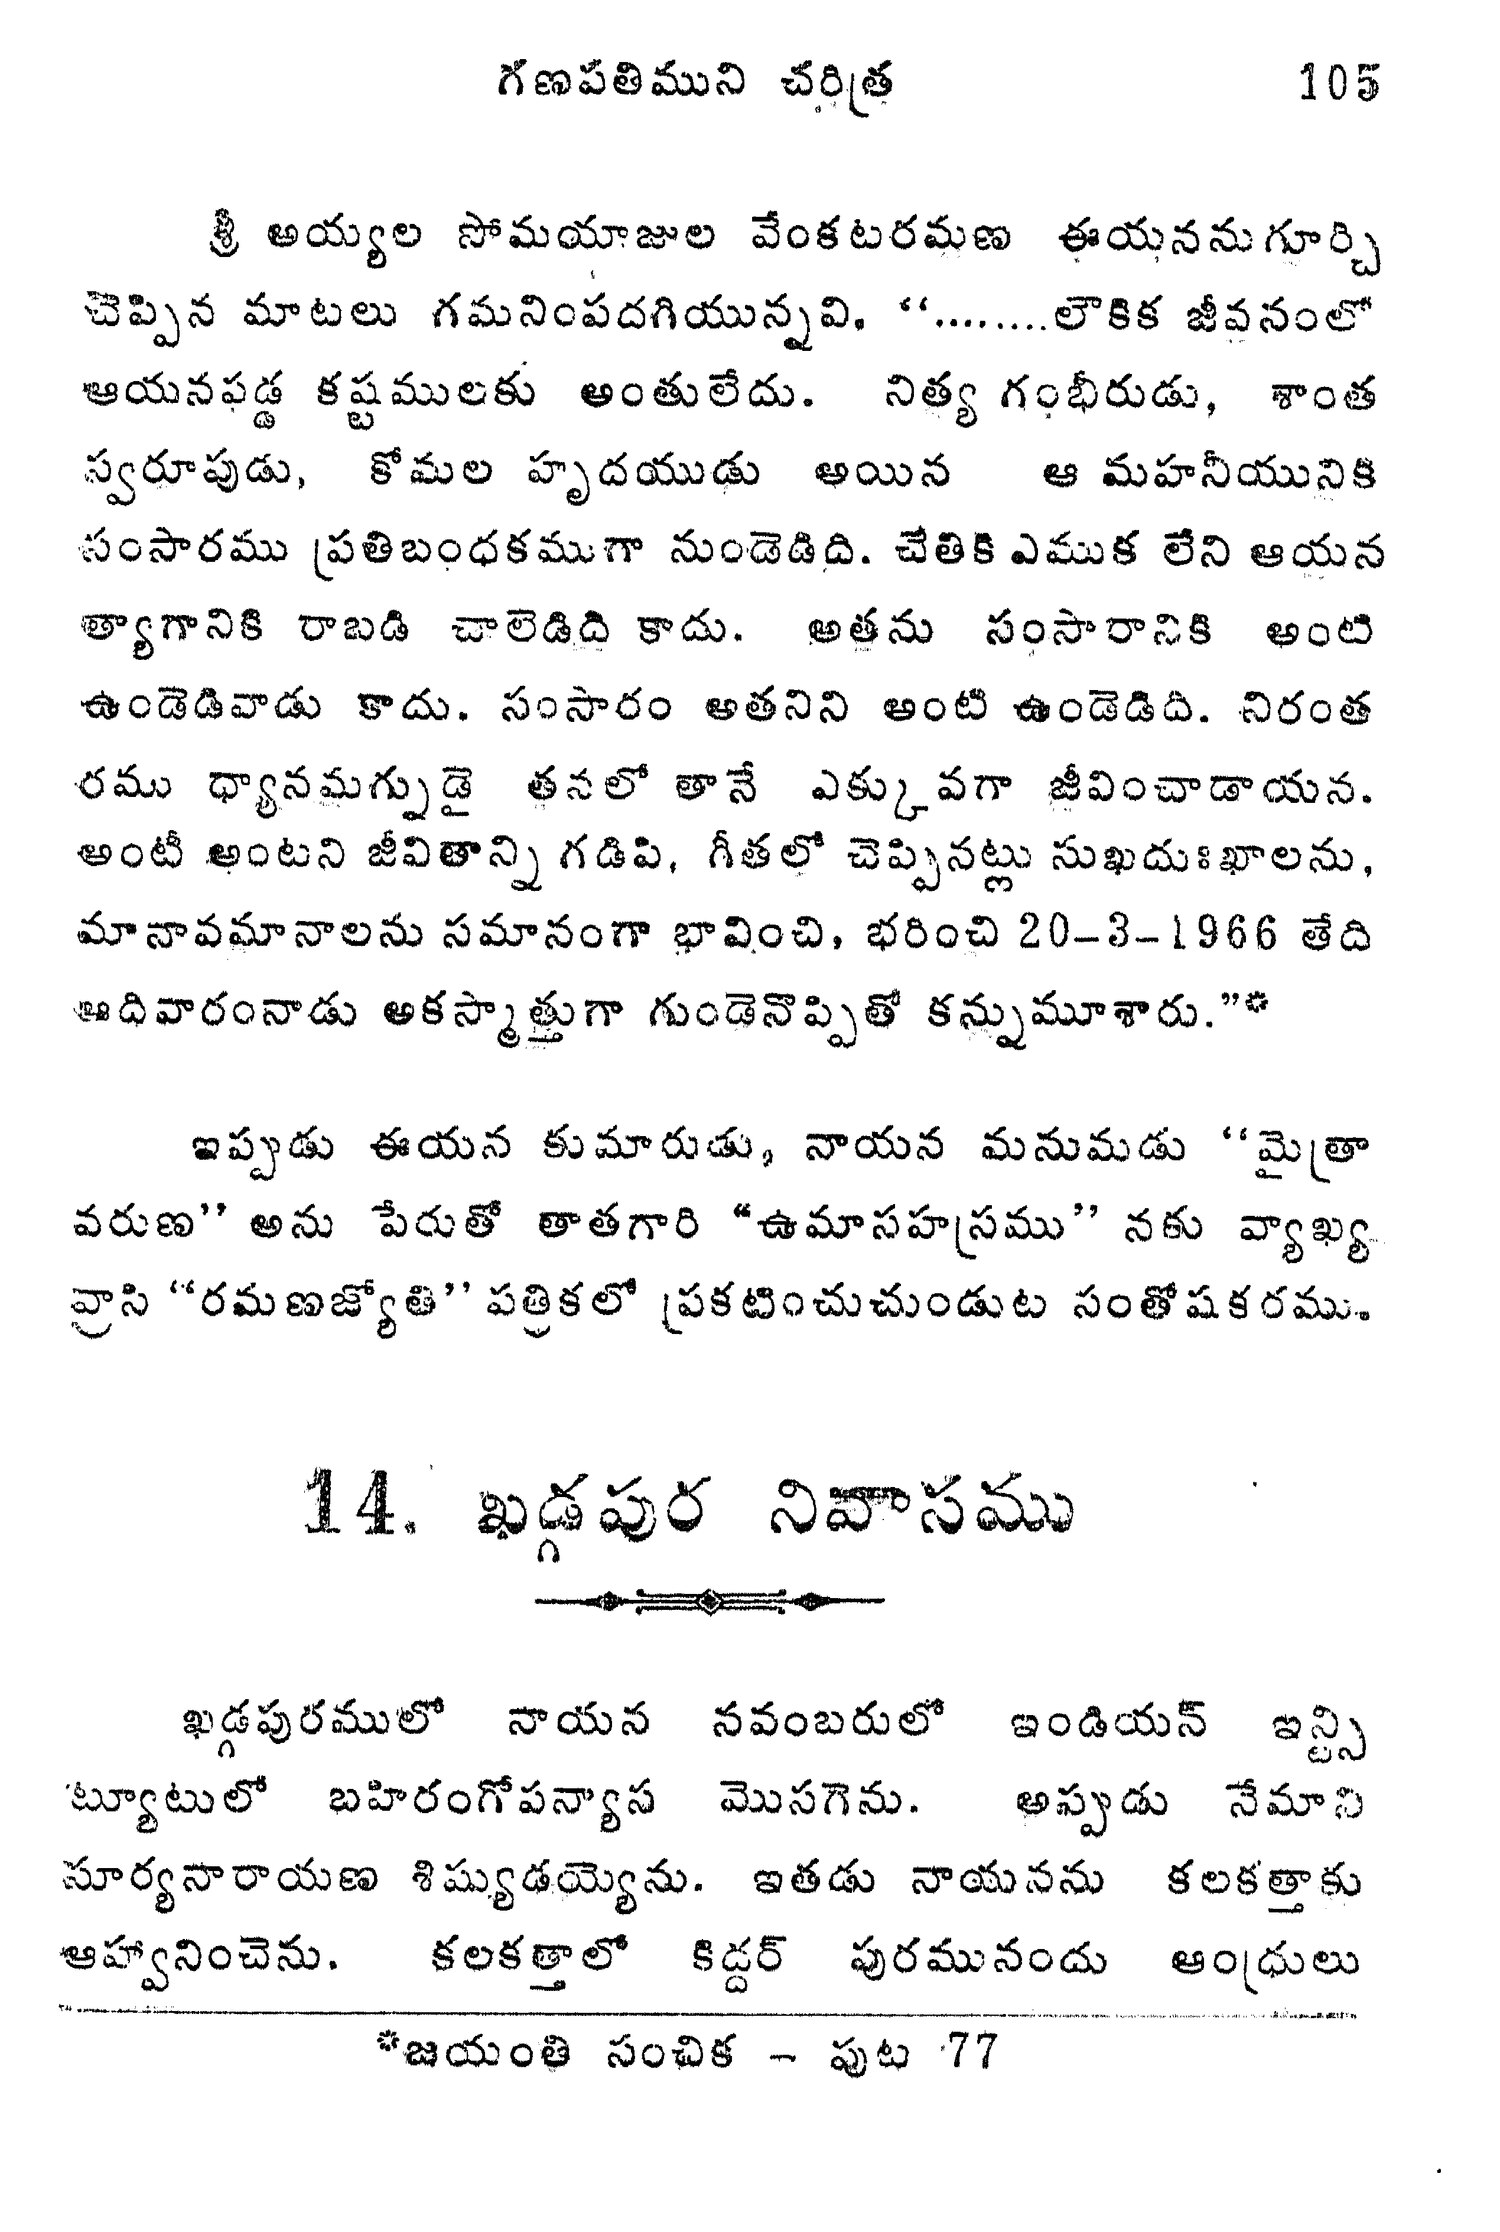శ్రీ అయ్యల సోమయాజుల వేంకటరమణ ఈయనను గూర్చి చెప్పిన మాటలు గమనింపదగియున్నవి. “........లౌకిక జీవనంలో ఆయనపడ్డ కష్టములకు అంతులేదు. నిత్య గంభీరుడు, శాంత స్వరూపుడు, కోమల హృదయుడు అయిన ఆ మహనీయునికి సంసారము ప్రతిబంధకముగా నుండెడిది. చేతికి ఎముక లేని ఆయన త్యాగానికి రాబడి చాలెడిది కాదు. అతను సంసారానికి అంటి ఉండెడివాడు కాదు. సంసారం అతనిని అంటి ఉండెడిది. నిరంతరము ధ్యానమగ్నుడై తనలో తానే ఎక్కువగా జీవించాడాయన. అంటీ అంటని జీవితాన్ని గడిపి, గీతలో చెప్పినట్లు సుఖదుఃఖాలను, మానావమానాలను సమానంగా భావించి, భరించి 20-3-1966 తేది ఆదివారంనాడు అకస్మాత్తుగా గుండెనొప్పితో కన్నుమూశారు.”

ఇప్పుడు ఈయన కుమారుడు, నాయన మనుమడు “మైత్రా వరుణ” అను పేరుతో తాతగారి “ఉమాసహస్రము” నకు వ్యాఖ్య వ్రాసి “రమణజ్యోతి” పత్రికలో ప్రకటించుచుండుట సంతోషకరము.

ఖడ్గపురములో నాయన నవంబరులో ఇండియన్ ఇన్స్టిట్యూటులో బహిరంగోపన్యాస మొసగెను. అప్పుడు నేమాని సూర్యనారాయణ శిష్యుడయ్యెను. ఇతడు నాయనను కలకత్తాకు ఆహ్వానించెను. కలకత్తాలో కిద్దర్ పురమునందు ఆంధ్రులు